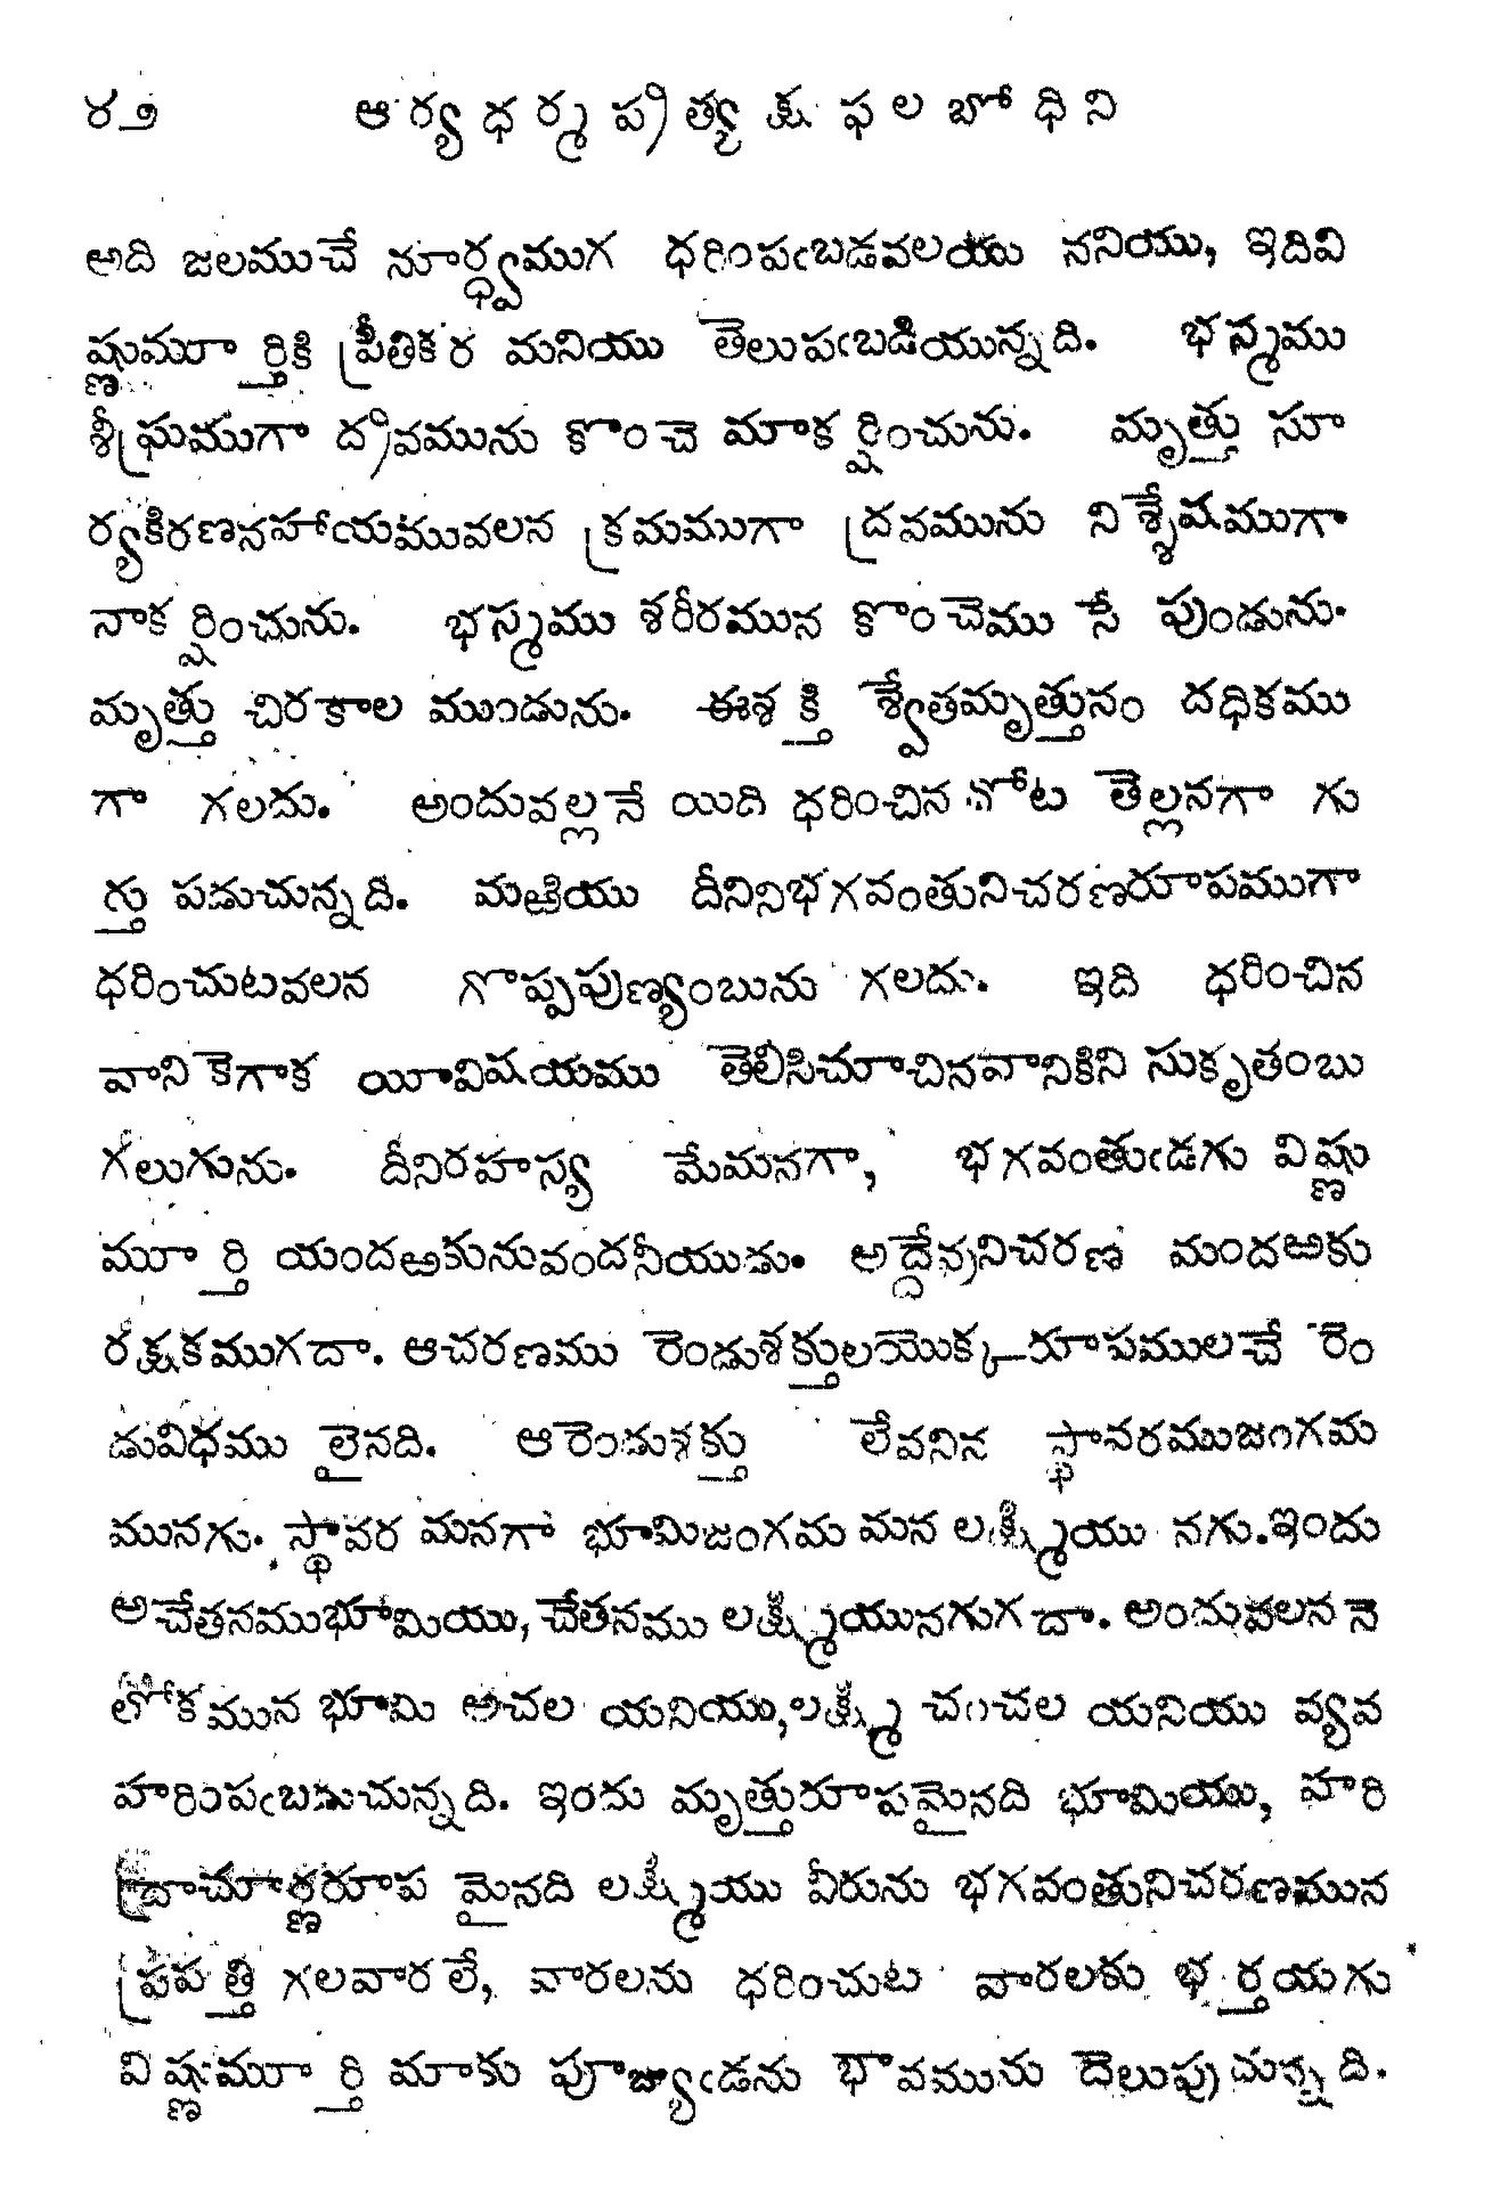అది జలముచే నూర్ధ్వముగ ధరింపఁబడవలయు ననియు, ఇదివిష్ణుమూర్తికి ప్రీతికర మనియు తెలుపఁబడియున్నది. భస్మము శీఘ్రముగా ద్రవమును కొంచె మాకర్షించును. మృత్తు సూర్యకిరణనహాయమువలన క్రమముగా ద్రవమును నిశ్శేషముగా నాకర్షించును. భస్మము శరీరమున కొంచెము సే పుండును. మృత్తు చిరకాల ముండును. ఈశక్తి శ్వేతమృత్తునం దధికముగా గలదు. అందువల్లనే యిది ధరించినచోట తెల్లనగా గుర్తు పడుచున్నది. మఱియు దీనినిభగవంతునిచరణ రూపముగా ధరించుటవలన గొప్పపుణ్యంబును గలదు. ఇది ధరించిన వానికెగాక యీవిషయము తెలిసిచూచినవానికిని సుకృతంబు గలుగును. దీనిరహస్య మేమనగా,' భగవంతుఁడగు విష్ణుమూర్తి యందఱకునువందనీయుడు. అదేవునిచరణ మందఱకు రక్షకముగదా. ఆచరణము రెండుశక్తులయొక్క రూపములచే రెండువిధము లైనది. ఆరెండుశక్తు లేవనిన స్థావరముజంగమమునగు స్థావర మనగా భూమిజంగమ మన లక్ష్మియు నగు. ఇందు అచేతనముభూమియు, చేతనము లక్ష్మియునగుగదా. అందువలననె లోకమున భూమి అచల యనియు, లక్ష్మి చంచల యనియు వ్యవహరింపఁబడుచున్నది. ఇందు మృత్తురూపమైనది భూమియు, హరిద్రాచూర్ణరూప మైనది లక్ష్మియు వీరును భగవంతునిచరణమున
ప్రపత్తి గలవారలే, వారలను ధరించుట వారలకు భర్తయగు విష్ణుమూర్తి మాకు పూజ్యుఁడను భావమును దెలుపుచున్నది.